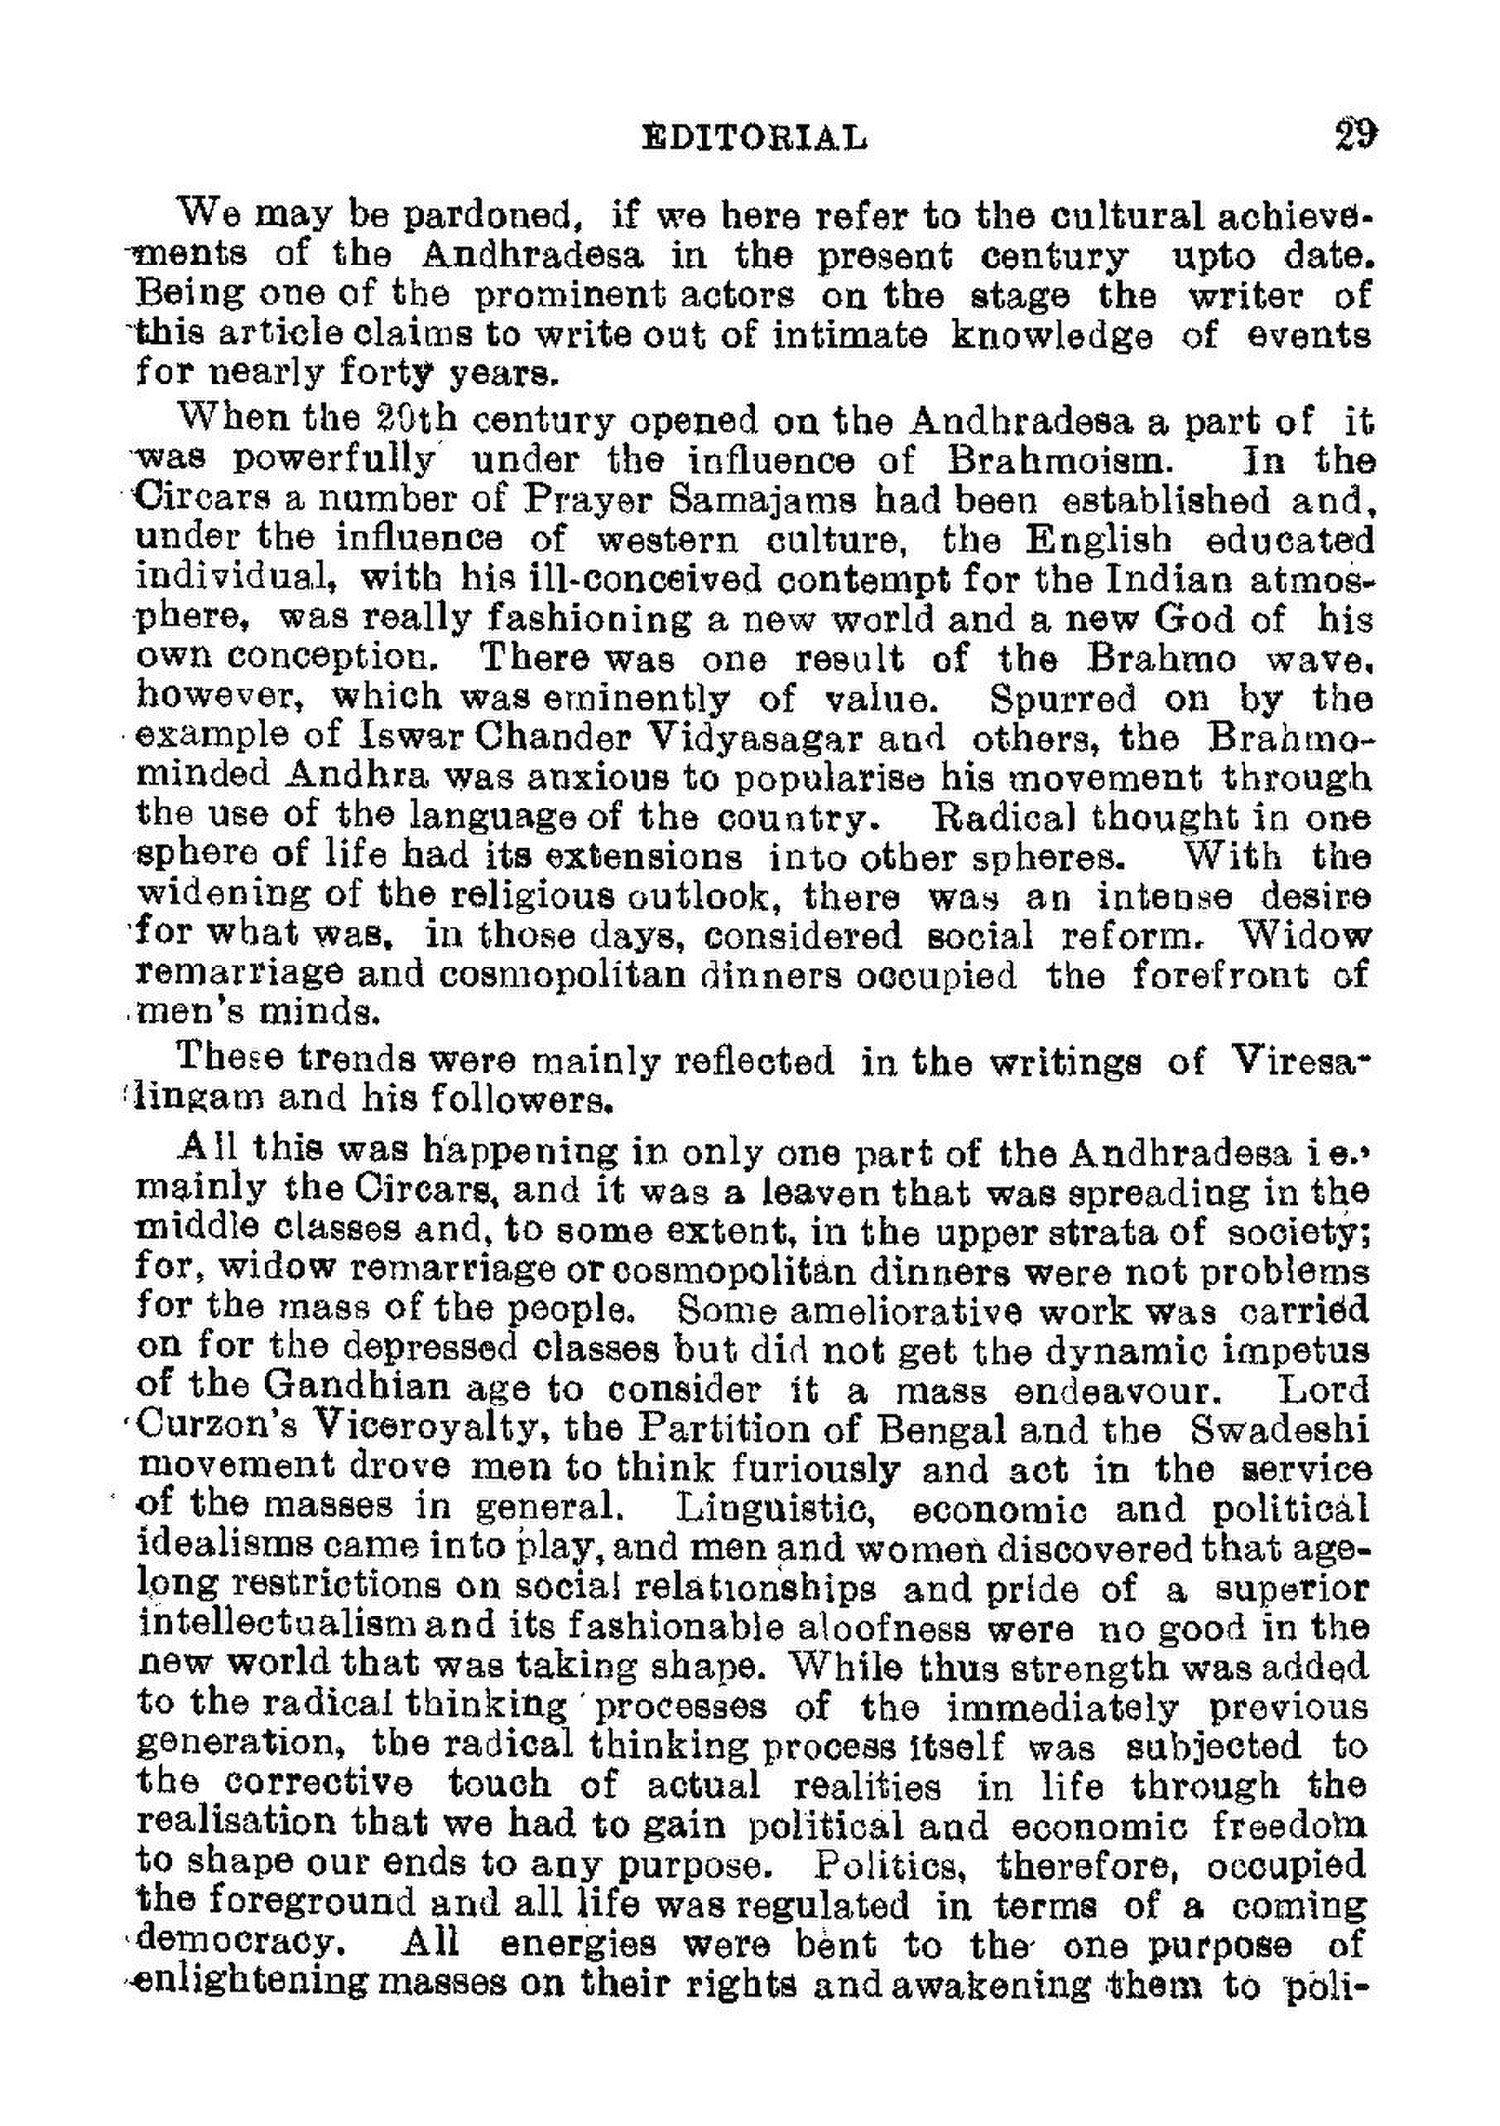We may be pardoned, if we here refer to the cultural achievements of the Andhradesa in the present century 
up-to-date. Being one of the prominent actors on the stage the writer of this article claims to write out of intimate knowledge of events for nearly forty years.

When the 20th century opened on the Andhradesa a part of it was powerfully under the influence of Brahmoism. 
In the Circars a number of Prayer Samajams had been established and, under the influence of western culture, the English educated individual, with his ill-conceived contempt for the Indian atmosphere, was really fashioning a 
new world and a new God of his own conception. There was one result of the Brahmo wave, however, which was eminently of value. Spurred on by the example of Iswar Chander Vidyasagar and others, the Brahmo-minded Andhra 
was anxious to popularize his movement through the use of the language of the country. Radical thought in one
sphere of life had its extensions into other spheres. With the widening of the religious outlook, there was an intense desire for what was, in those days, considered social reform. Widow remarriage and cosmopolitan dinners occupied the forefront of men's minds.

These trends were mainly reflected in the writings of Viresa-lingam and his followers.

All this was happening in only one part of the Andhradesa i.e., mainly the Circars, and it was a leaven that 
was spreading in the middle classes and, to some extent, in the upper strata of society; for, widow remarriage 
or cosmopolitan dinners were not problems for the mass of the people. Some ameliorative work was carried
on for the depressed classes but did not get the dynamic impetus of the Gandhian age to consider it a mass endeavor. Lord Curzon's Viceroyalty, the Partition of Bengal and the Swadeshi movement drove men to think 
furiously and act in the service of the masses in general. Linguistic, economic and political idealisms came 
into play, and men and women discovered that agelong restrictions on social relationships and pride of a 
superior intellectualism and its fashionable aloofness were no good in the new world that was taking shape. While thus strength was added to the radical thinking processes of the immediately previous generation, the radical thinking process itself was subjected to the corrective touch of actual realities in life through the
realization that we had to gain political and economic freedom to shape our ends to any purpose. Politics, therefore, occupied the foreground and all life was regulated in terms of a coming democracy.
All energies were bent to the one purpose of enlightening masses on their rights and awakening them to poli-